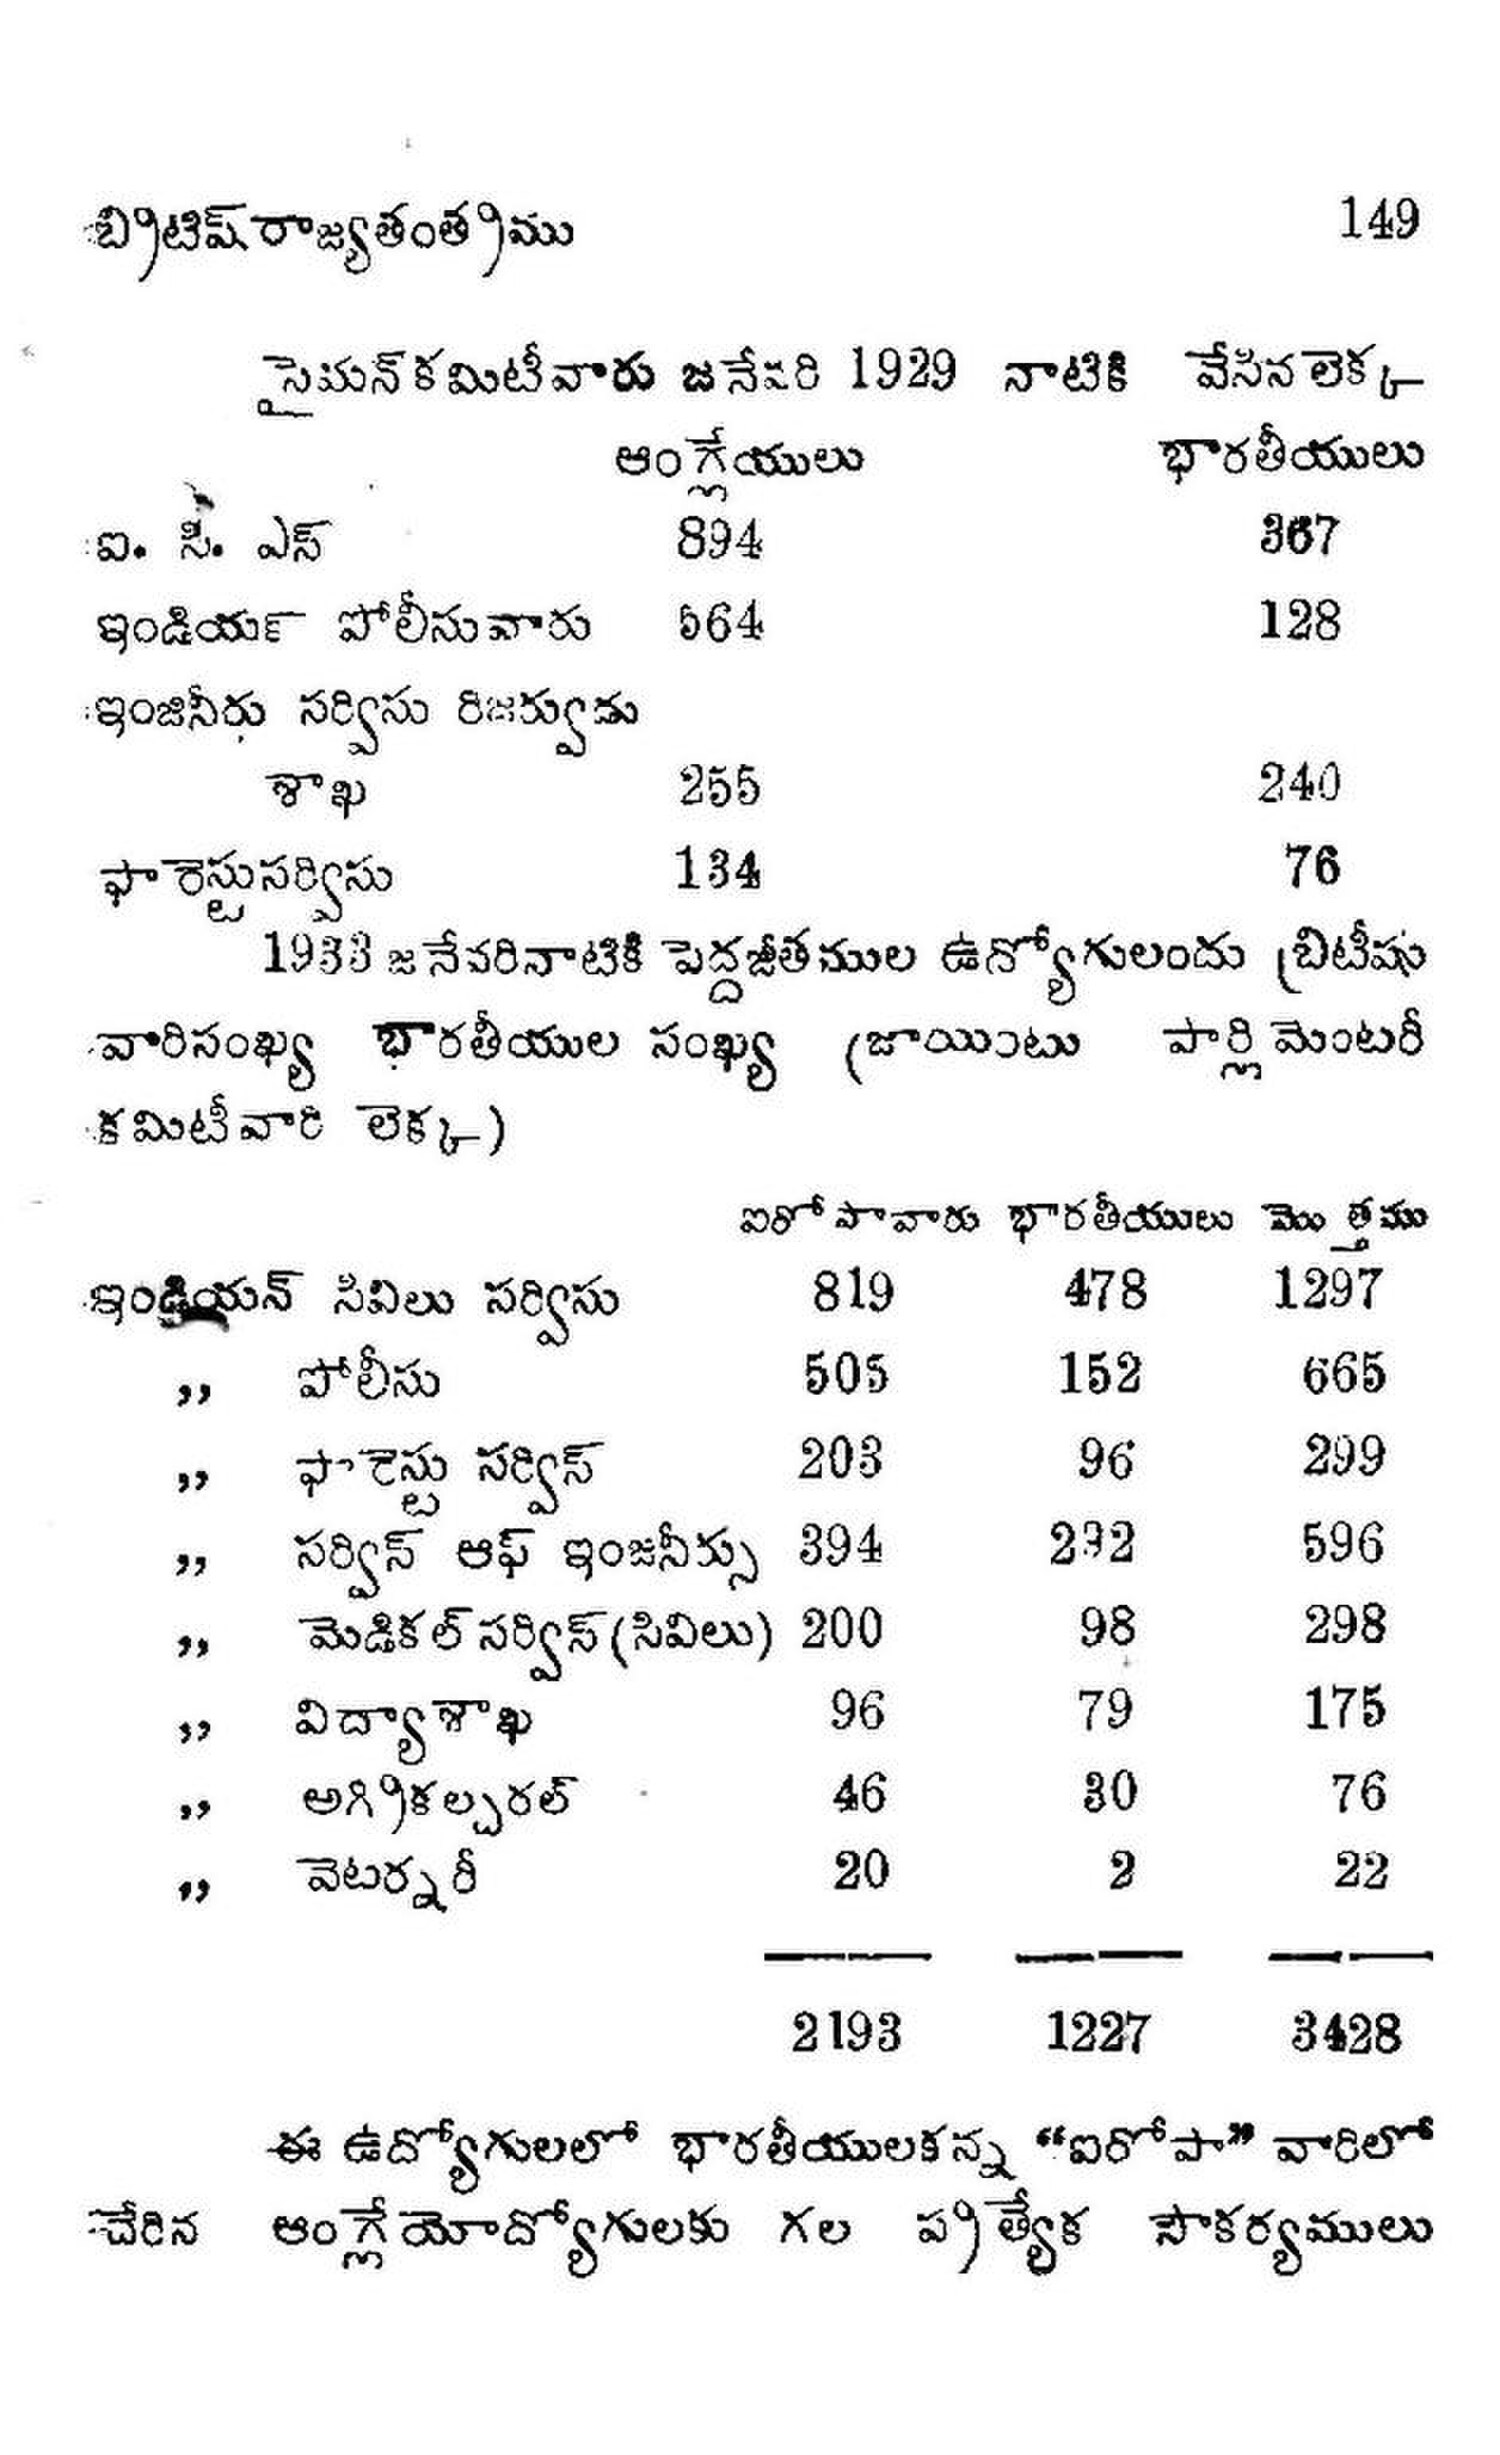సైమన్‌కమిటీవారు జనేవరి 1929 నాటికి వేసినలెక్క

 - ఆంగ్లేయులు భారతీయులు ఐ. సి. ఎస్ 894 367 ఇండియన్ పోలీసువారు 564 128 ఇంజనీరు సర్వీసు రిజర్వుడు శాఖ 255 240 ఫారెస్టుసర్విసు 134 76

1933 జనేవరినాటికి పెద్దజీతముల ఉద్యోగులందు బ్రిటీషువారిసంఖ్య భారతీయుల సంఖ్య (జాయింటు పార్లిమెంటరీ కమిటీవారి లెక్క)

 - ఐరోపావారు భారతీయులు మొత్తము ఇండియన్ సివిలు సర్విసు 819 478 1297 ఇండియన్ పోలీసు 505 152 665 ఇండియన్ ఫారెస్టు సర్విస్ 203 96 299 ఇండియన్ సర్విస్ ఆఫ్ ఇంజనీర్సు 394 292 596 ఇండియన్ మెడికల్ సర్విస్ (సివిలు) 200 98 298 ఇండియన్ విద్యాశాఖ 96 79 175 ఇండియన్ అగ్రికల్చరల్ 46 30 76 ఇండియన్ వెటర్నరీ 20 2 22 - 2193 1227 3428

ఈ ఉద్యోగులలో భారతీయులకన్న "ఐరోపా" వారిలో చేరిన ఆంగ్లేయోద్యోగులకు గల ప్రత్యేక సౌకర్యములు